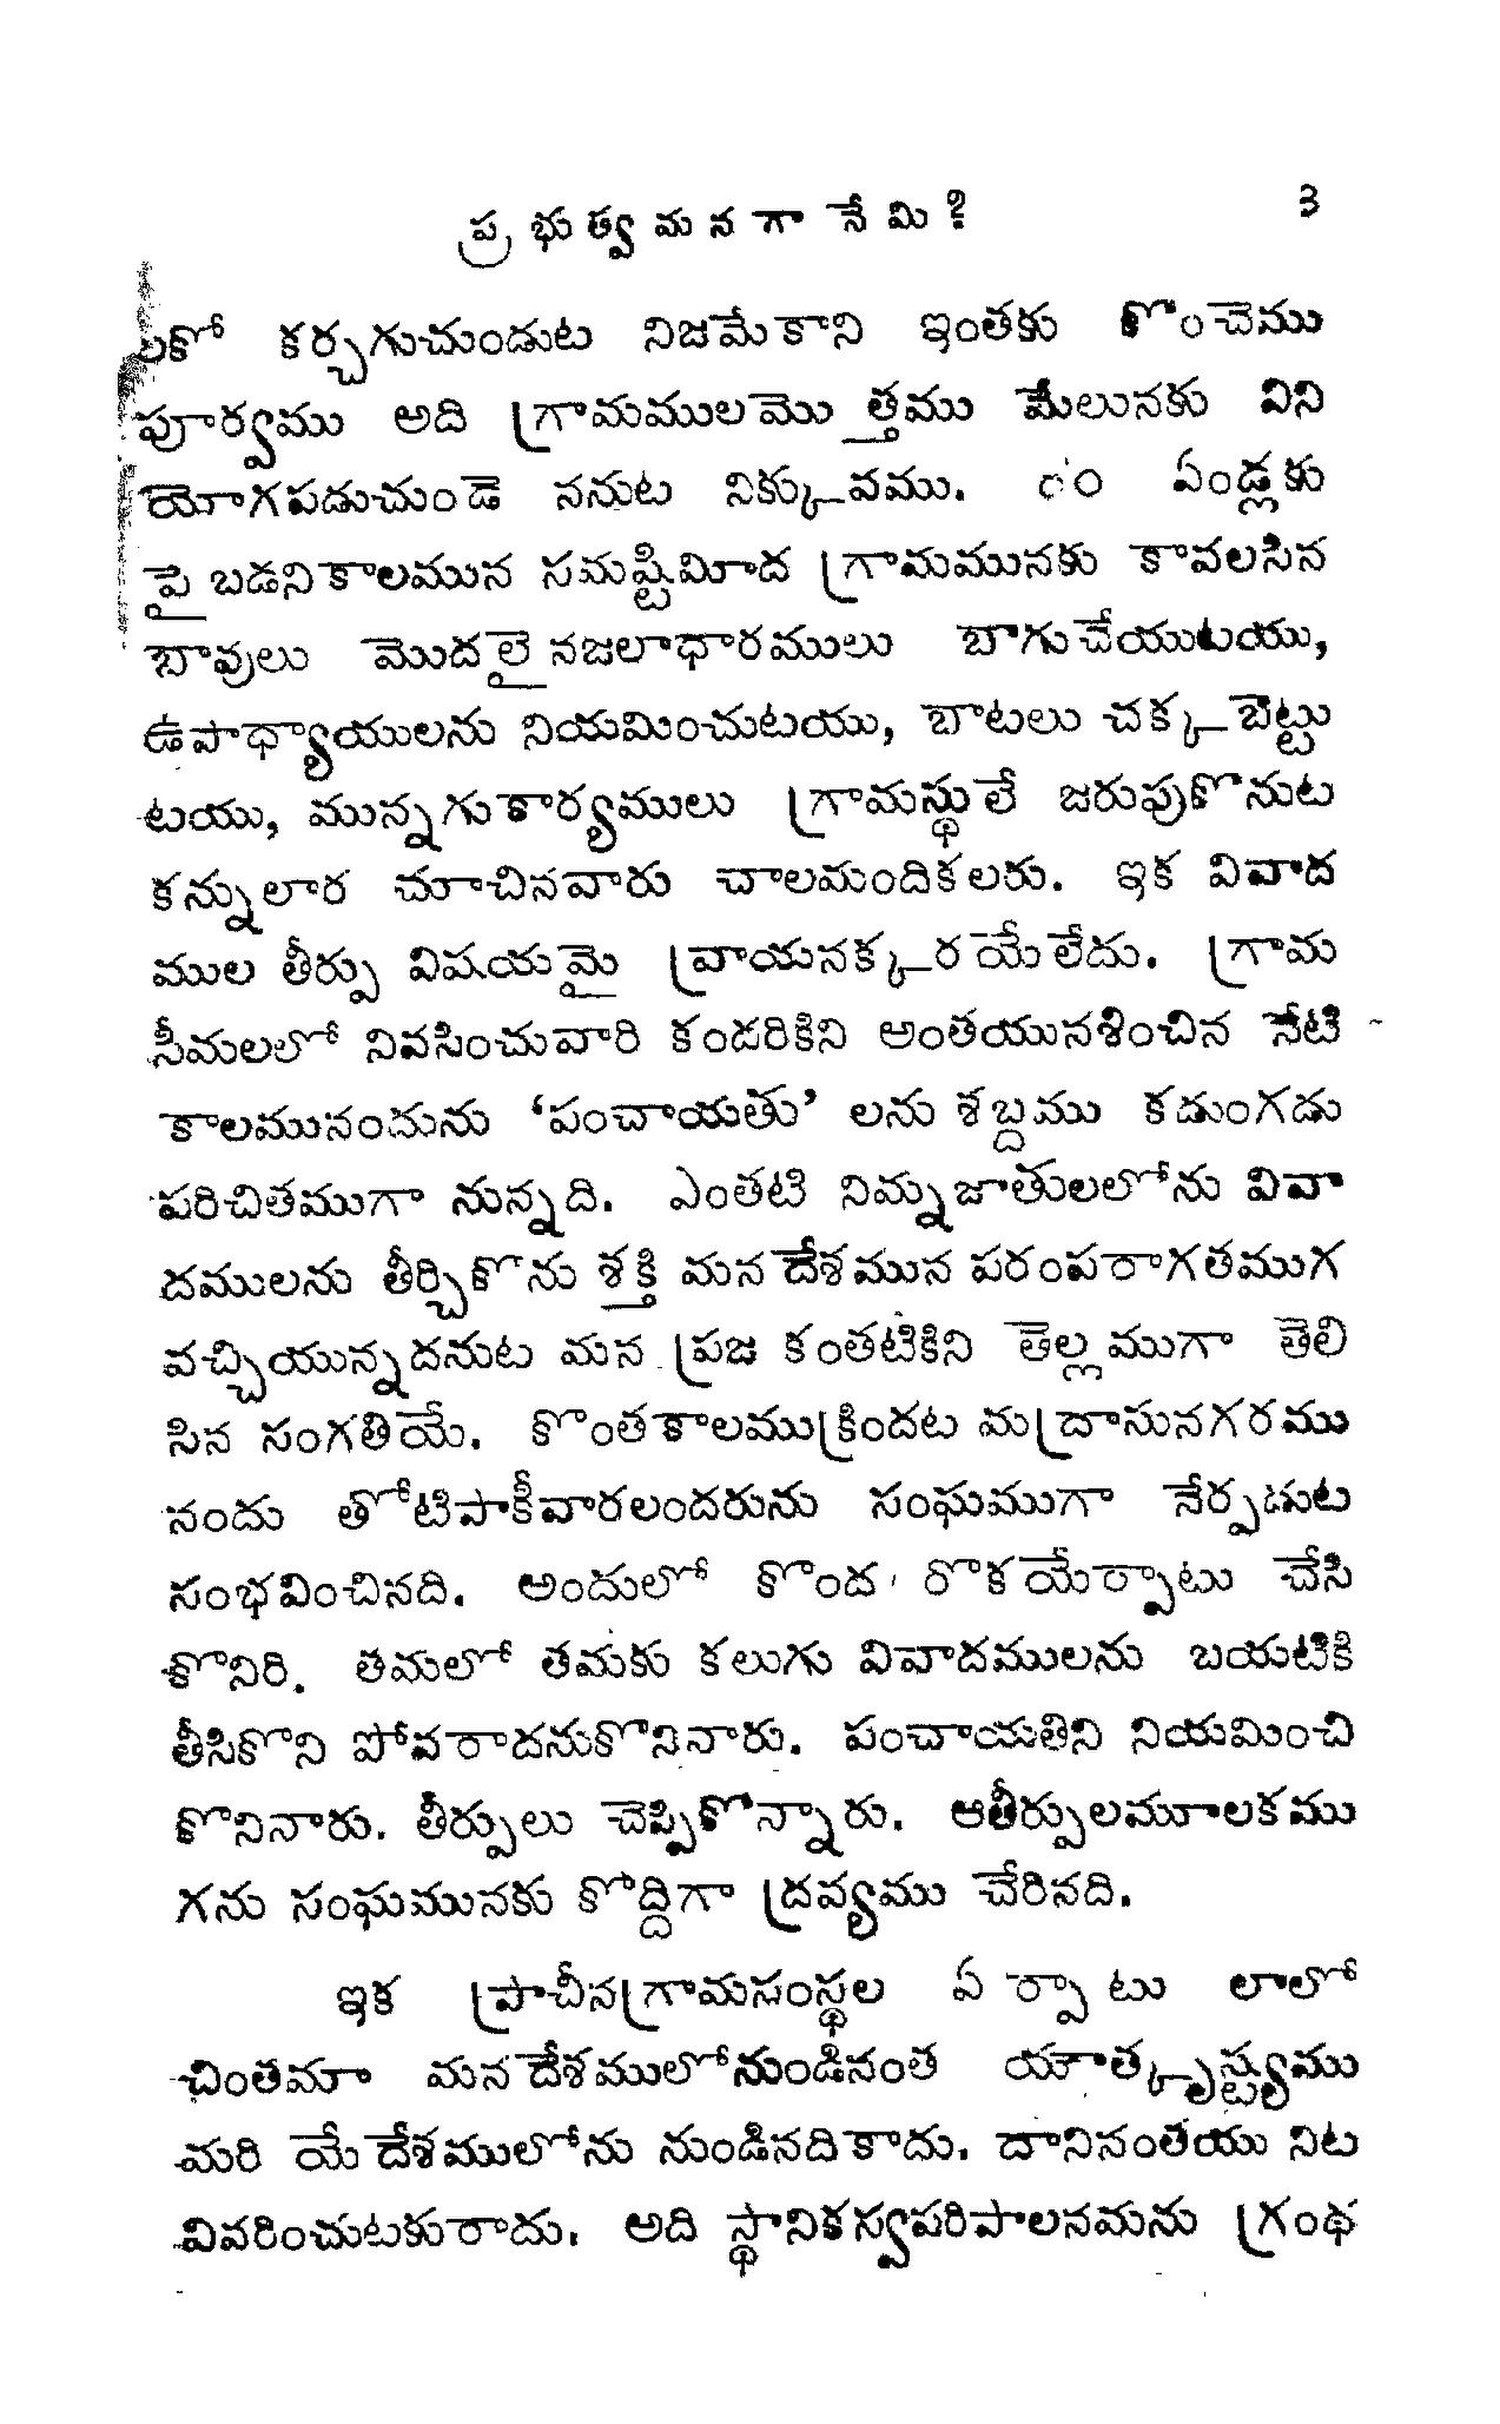లకో కర్చగుచుండుట నిజమేకాని ఇంతకు కొంచెము పూర్వము అది గ్రామములమొత్తము మేలునకు వినియోగపడుచుండె ననుట నిక్కువము. 40 ఏండ్లకు పై బడనికాలమున సమష్టిమీద గ్రామమునకు కావలసిన బావులు మొదలై నజలాధారములు బాగుచేయుటయు, ఉపాధ్యాయులను నియమించుటయు, బాటలు చక్కబెట్టుటయు, మున్నగుకార్యములు గ్రామస్థులే జరుపుకొనుట
కన్నులార చూచినవారు చాలమందికలరు. ఇక వివాదముల తీర్పు విషయమై వ్రాయనక్కరయేలేదు. గ్రామ సీమలలో నివసించువారి కందరికిని అంతయునశించిన నేటి కాలమునందును 'పంచాయతు' లను శబ్దము కడుంగడు పరిచితముగా నున్నది. ఎంతటి నిమ్నజాతులలోను వివాదములను తీర్చికొనుశక్తి మనదేశమున పరంపరాగతముగ వచ్చియున్నదనుట మన ప్రజ కంతటికిని తెల్లముగా తెలిసిన సంగతియే. కొంతకాలముక్రిందట మద్రాసునగరమునందు తోటిపాకీవారలందరును సంఘముగా నేర్పడుట సంభవించినది. అందులో కొంద రొకయేర్పాటు చేసికొనిరి. తమలో తమకు కలుగు వివాదములను బయటికి తీసికొని పోవరాదనుకొనినారు. పంచాయతిని నియమించికొనినారు. తీర్పులు చెప్పికొన్నారు. ఆతీర్పులమూలకముగను సంఘమునకు కొద్దిగా ద్రవ్యము చేరినది.

ఇక ప్రాచీనగ్రామసంస్థల ఏర్పాటు లాలోచింతమా మనదేశములోనుండినంత యౌత్కృష్ట్యము మరి యేదేశములోను నుండినదికాదు. దానినంతయు నిట వివరించుటకురాదు. అది స్థానిక స్వపరిపాలనమను గ్రంథ